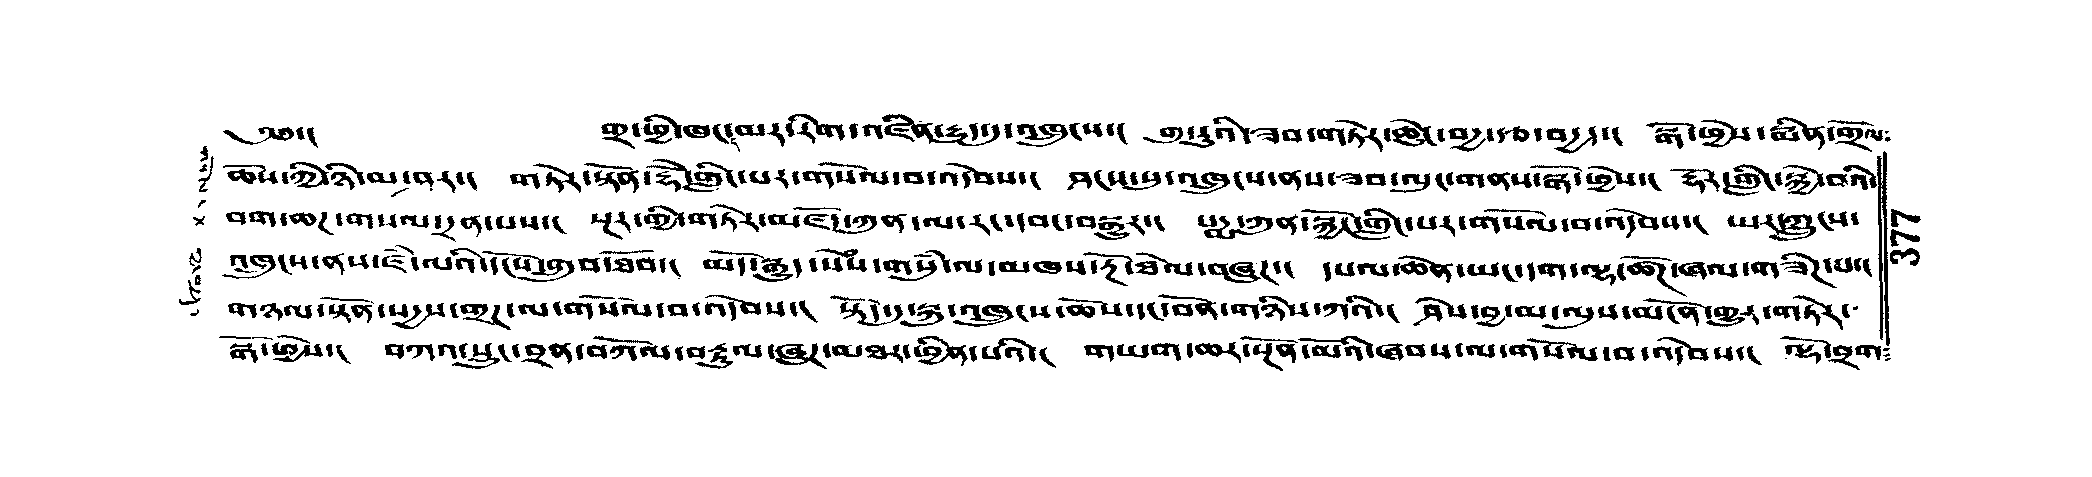།གྲྭ་ཕྱི་ཁང་དམར་རིག་འཛིན་རྒྱུད་དུ་འཁྲུངས། །གུ་རུའི་ཟབ་གཏེར་ཆེ་ཆུང་བརྒྱ་རྩ་བརྒྱད། །སྒོ་ཕྱེས་སྨིན་གྲོལ་
ཆོས་ཀྱི་ཉི་མ་ཤར། །གཏེར་སྟོན་རྡོ་རྗེ་གླིང་པར་གསོལ་བ་འདེབས། །ཤངས་སུ་འཁྲུངས་ནས་ཟབ་ལུང་གནས་སྒོ་ཕྱེས། །རྡོར་གླིང་སྐྱེ་བའི་
བག་ཆགས་གསལ་དྲན་པས། །སྔར་གྱི་གཏེར་མཛོད་ཀུན་ལ་རང་དབང་བསྒྱུར། །པདྨ་ཀུན་སྐྱོང་གླིང་པར་གསོལ་བ་འདེབས། །ཡར་ཀླུངས་
འཁྲུངས་ནས་ཛམ་ལྷའི་དངོས་གྲུབ་ཐོབ། །མདོ་སྒྱུ་སེམས་གསུམ་ལ་མཁས་རྔོག་ཐིལ་བཞུགས། །དཔལ་ཆེན་ཡང་དག་ལྷ་ཚོགས་ཞལ་གཟིགས་པ། །
གཉལ་སྟོན་སངས་རྒྱས་གྲགས་ལ་གསོལ་བ་འདེབས། །སྟོད་དུ་སྐུ་འཁྲུངས་ཆོས་དང་བོན་གཉིས་ཀའི། །ཤེས་བྱ་མ་ལུས་མངོན་གྱུར་གཏེར་
སྒོ་ཕྱེས། །བཀའ་སྲུང་བྲན་བཀོལ་བརྟུལ་ཞུགས་མཐར་ཕྱིན་པའི། །གཡག་ཆར་སྔོན་མོའི་ཞབས་ལ་གསོལ་བ་འདེབས། །ལྷོ་བྲག་